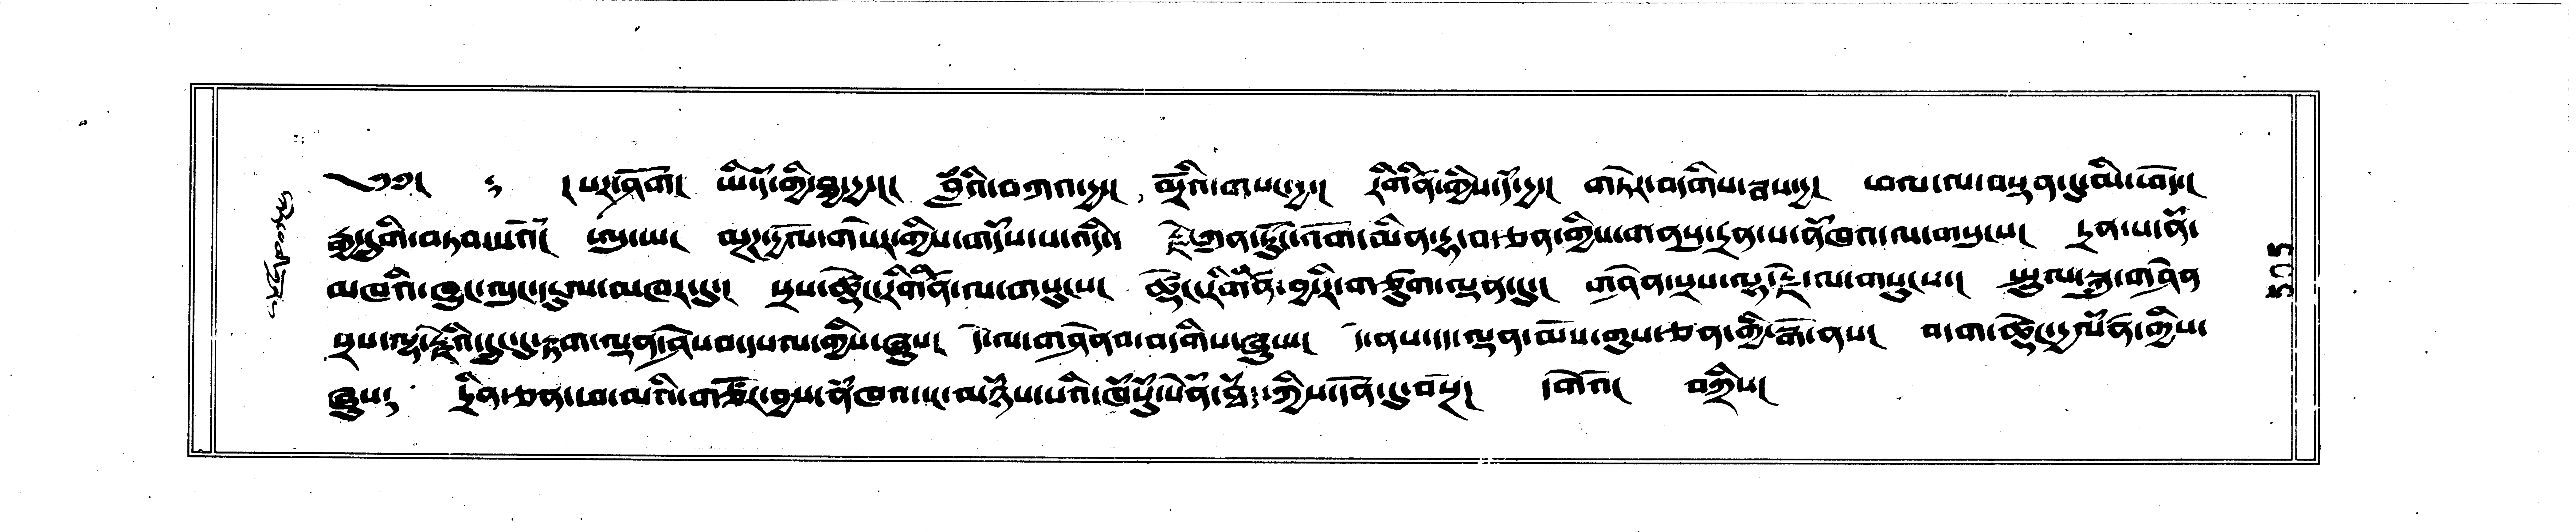པར་ཤོག ཡིད་དམ་ཐུགས་རྒྱ། བླ་མའི་བཀའ་རྒྱ། མཁའ་འགྲོའི་གསང་རྒྱ། རིག་འཛིན་གྱིས་དམ་རྒྱ། གཏེར་བདག་གིས་སྦས་རྒྱ། ཕལ་ལ་བསྟན་དུ་མི་ཕོད། 
རྒྱ་དྲུག་གིས་བཏབ་པའོ། ཨུ་ཡ། མེན་ངག་རྒྱལ་པོ་གསེར་གྱིས་གདམས་པ་འདི། རྗེ་ཀུན་ཏུ་བཟང་པོས། འོག་མིན་བདེ་ཆེན་གྱིས་གནས་སུ། དྲན་པ་ནམ་
མཁའ་ལ་གསུངས། དྲན་པ་ནམ་མཁའི་༼མཁས༽། ཁྱུང་ལུང་དངུལ་མཁར་དུ་སྲས་ཚེ་དབང་རིག་འཛིན་ལ་གསུངས། ཚེ་དབང་རིག་འཛིན་ཀྱིས་བྱ་རི་གཙུག་ལྡན་དུ། གཤེན་སྲས་ལྷ་རྗེ་ལ་གསུངས། སྤྲུལ་སྐུ་གཤེན་
སྲས་ལྷ་རྗེའི་དྲུང་དུ། ཤེས་རབ་དཔལ་གྱིས་ཞུས། དེ་ལ་གཤེན་རབ་བདག་གིས་ཞུས་སོ། དེ་ནས་དད་ལྡན་མོས་གུས་ཀྱིས་སྒོ་ནས། བདག་ཚེ་དབང་རྒྱལ་མཚན་གྱིས་
ཞུས། ༼དེ་ནས་བཀའ་ལུང་མེན་ངག་ལ་བརྟེན་ནས། སྐལ་ལྡན་བསྒྲུབ་པ་པོ་རྣམས་ཀྱིས་དོན་དུ། མཐའ་བྲལ་བདག་གིས་ཞུས་ནས་ཉམས་སུ་བླངས་པའོ། སྐོ་ལོ་མཐའ་བྲལ་རིན་ཆེན་རྒྱལ་མཚན་གྱིས་དྲུང་དུ། སྟ་གཅོད་པ་ཡེ་ཤེས་རྒྱལ་མཚན་གྱིས་ཞུ་བ་ཡང་ནས་ཡང་དུ་ཕུལ་ནས། ལུང་དང་མེན་ངག་རྗེས་གནང་ཡོངས་རྫོགས་དང་བཅས་པ་ཞུས་ནས།༽ དྲིན་ཅན་ཕ་མའི་གཙོར་བྱས་ནམ་མཁའ་དང་མཉམས་པའི་ཁམས་གསུམ་སེམས་ཅན་ཐམས་ཅད་ཀྱིས་དོན་དུ་བསྔོ། དགེའོ། བཀྲ་ཤིས། །